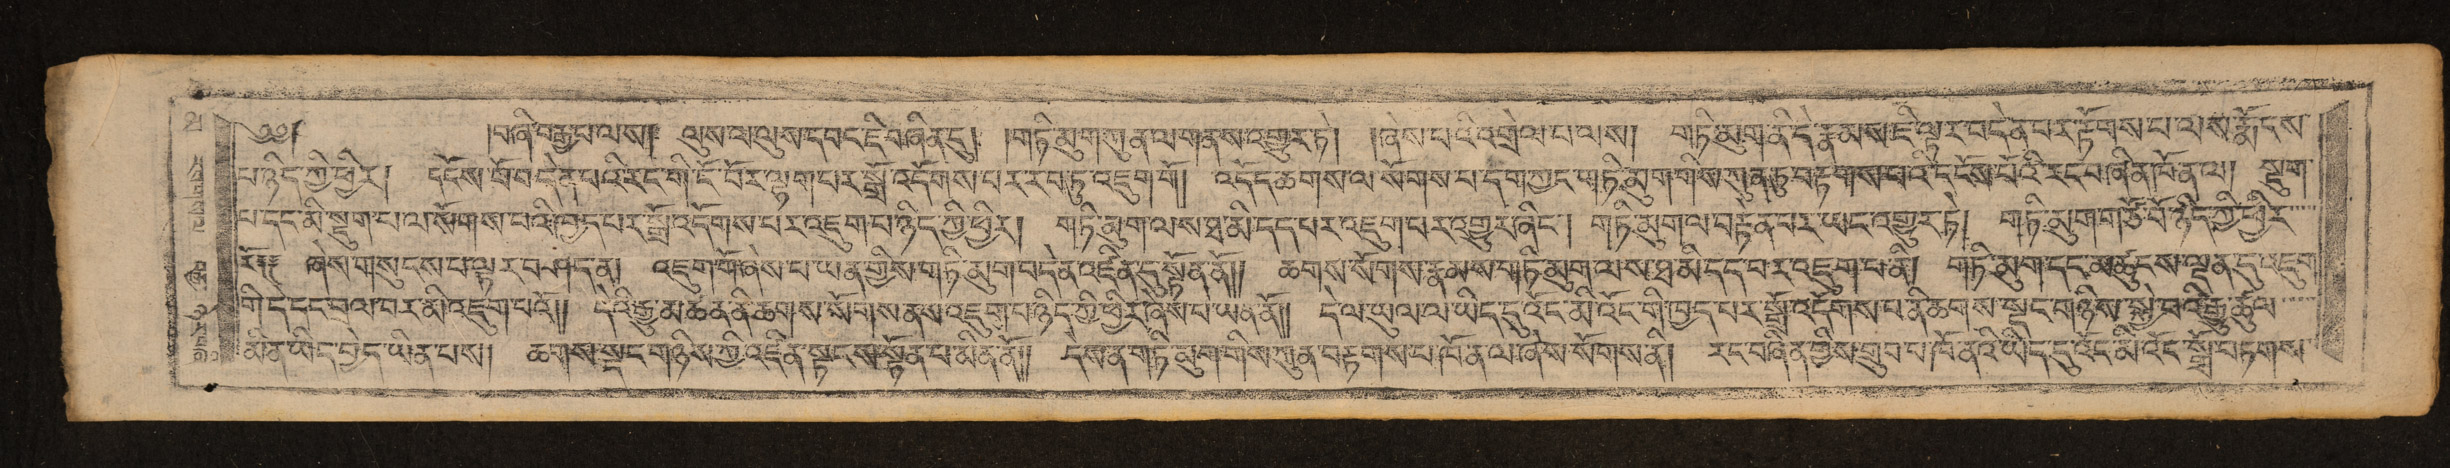༄༅། །བཞི་བརྒྱ་པ་ལས། ལུས་ལ་ལུས་དབང་ཇི་བཞིན་དུ། །གཏི་མུག་ཀུན་ལ་གནས་འགྱུར་ཏེ། །ཞེས་པའི་འགྲེལ་པ་ལས། གཏི་མུག་ནི་དེ་རྣམས་ཇི་ལྟར་བདེན་པར་རྟོགས་པ་ལས་རྨོངས་
པ་ཉིད་ཀྱི་ཕྱིར། དངོས་པོ་བདེན་པའི་རང་གི་ངོ་བོར་ལྷག་པར་སྒྲོ་འདོགས་པར་རབ་ཏུ་འཇུག་གོ། འདོད་ཆགས་ལ་སོགས་པ་དག་ཀྱང་གཏི་མུག་གིས་ཀུན་ཏུ་བརྟགས་པའི་དངོས་པོའི་རང་བཞིན་ཁོ་ན་ལ། སྡུག་
པ་དང་མི་སྡུག་པ་ལ་སོགས་པའི་ཁྱད་པར་སྒྲོ་འདོགས་པར་འཇུག་པ་ཉིད་ཀྱི་ཕྱིར། གཏི་མུག་ལས་ཐ་མི་དད་པར་འཇུག་པར་འགྱུར་ཞིང་། གཏི་མུག་ལ་བརྟེན་པར་ཡང་འགྱུར་ཏེ། གཏི་མུག་གཙོ་བོ་ཉིད་ཀྱི་ཕྱིར་
རོ༑༑ ཞེས་གསུངས་པ་ལྟར་བཤད་ན། འཇུག་གོ་ཞེས་པ་ཡན་གྱིས་གཏི་མུག་བདེན་འཛིན་དུ་སྟོན་ནོ།། ཆགས་སོགས་རྣམས་གཏི་མུག་ལས་ཐ་མི་དད་པར་འཇུག་པ་ནི། གཏི་མུག་དང་མཚུངས་ལྡན་དུ་འཇུག་
གི་དེ་དང་བྲལ་བར་མི་འཇུག་པའོ།། དེའི་རྒྱུ་མཚན་ནི་ཆགས་སོགས་ནས་འཇུག་པ་ཉིད་ཀྱི་ཕྱིར་ཞེས་པ་ཡིན་ནོ།། དེ་ལ་ཡུལ་ལ་ཡིད་དུ་འོང་མི་འོང་གི་ཁྱད་པར་སྒྲོ་འདོགས་པ་ནི་ཆགས་སྡང་གཉིས་སྐྱེ་བའི་རྒྱུ་ཚུལ་
མིན་ཡིད་བྱེད་ཡིན་པས། ཆགས་སྡང་གཉིས་ཀྱི་འཛིན་སྟངས་སྟོན་པ་མིན་ནོ།། དེས་ན་གཏི་མུག་གིས་ཀུན་བརྟགས་པ་ཁོ་ན་ལ་ཞེས་སོགས་ནི། རང་བཞིན་གྱིས་གྲུབ་པ་ཁོ་ནའི་ཡིད་དུ་འོང་མི་འོང་སྒྲོ་བཏགས་